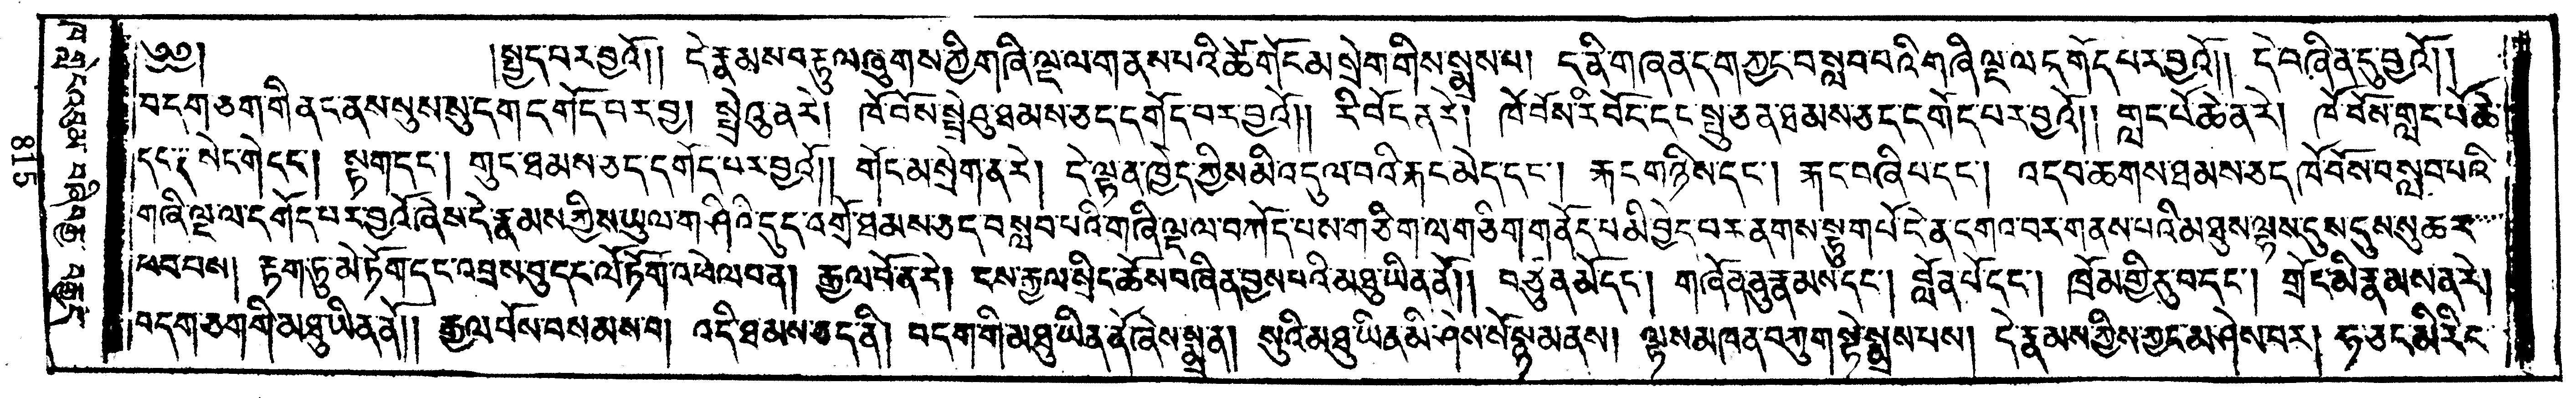༄༅། །སྤྱད་པར་བྱའོ།། དེ་རྣམས་བརྟུལ་ཞུགས་ཀྱི་གཞི་ལྔ་ལ་གནས་པའི་ཚེ་གོང་མ་སྲེག་གིས་སྨྲས་པ། ད་ནི་གཞན་དག་ཀྱང་བསླབ་པའི་གཞི་ལྔ་ལ་དགོད་པར་བྱའོ།། དེ་བཞིན་དུ་བྱའོ།།
བདག་ཅག་གི་ནང་ནས་སུས་སུ་དག་དགོད་པར་བྱ། སྤྲེའུ་ན་རེ། ཁོ་བོས་སྤྲེའུ་ཐམས་ཅད་དགོད་པར་བྱའོ།། རི་བོང་ན་རེ། ཁོ་བོས་རི་བོང་དང་སྤུ་ཅན་ཐམས་ཅད་དགོད་པར་བྱའོ།། གླང་པོ་ཆེན་རེ། ཁོ་བོས་གླང་པོ་ཆེ་
དང༑ སེང་གེ་དང་། སྟག་དང་། གུང་ཐམས་ཅད་དགོད་པར་བྱའོ།། གོང་མ་སྲེག་ན་རེ། དེ་ལྟ་ན་ཁྱེད་ཀྱིས་མི་འདུལ་བའི་རྐང་མེད་དང་། རྐང་གཉིས་དང་། རྐང་བཞི་པ་དང་། འདབ་ཆགས་ཐམས་ཅད་ཁོ་བོས་བསླབ་པའི་
གཞི་ལྔ་ལ་དགོད་པར་བྱའོ་ཞེས་དེ་རྣམས་ཀྱིས་ཡུལ་གཤིའི་དུད་འགྲོ་ཐམས་ཅད་བསླབ་པའི་གཞི་ལྔ་ལ་བཀོད་པས་གཅིག་ལ་གཅིག་གནོད་པ་མི་བྱེད་པར་ནགས་སྟུག་པོ་དེ་ན་དགའ་བར་གནས་པའི་མཐུས་ལྷས་དུས་དུས་སུ་ཆར་
ཕབ་པས། རྟག་ཏུ་མེ་ཏོག་དང་འབྲས་བུ་དང་ལོ་ཏོག་འཕེལ་བ་ན། རྒྱལ་བོ་ན་རེ། ངས་རྒྱལ་སྲིད་ཆོས་བཞིན་བྱས་པའི་མཐུ་ཡིན་ནོ།། བཙུན་མོ་དང་། གཞོན་ནུ་རྣམས་དང་། བློན་པོ་དང་། ཁྲོམ་གྱི་རུ་བ་དང་། གྲོང་མི་རྣམས་ན་རེ།
བདག་ཅག་གི་མཐུ་ཡིན་ནོ།། རྒྱལ་པོས་བསམས་པ། འདི་ཐམས་ཅད་ནི། བདག་གི་མཐུ་ཡིན་ནོ་ཞེས་སྨྲ་ན། སུའི་མཐུ་ཡིན་མི་ཤེས་སོ་སྙམ་ནས། ལྟས་མཁན་བཀུག་སྟེ་སྨྲས་པ། དེ་རྣམས་ཀྱིས་ཀྱང་མ་ཤེས་པར། ཧ་ཅང་མི་རིང་